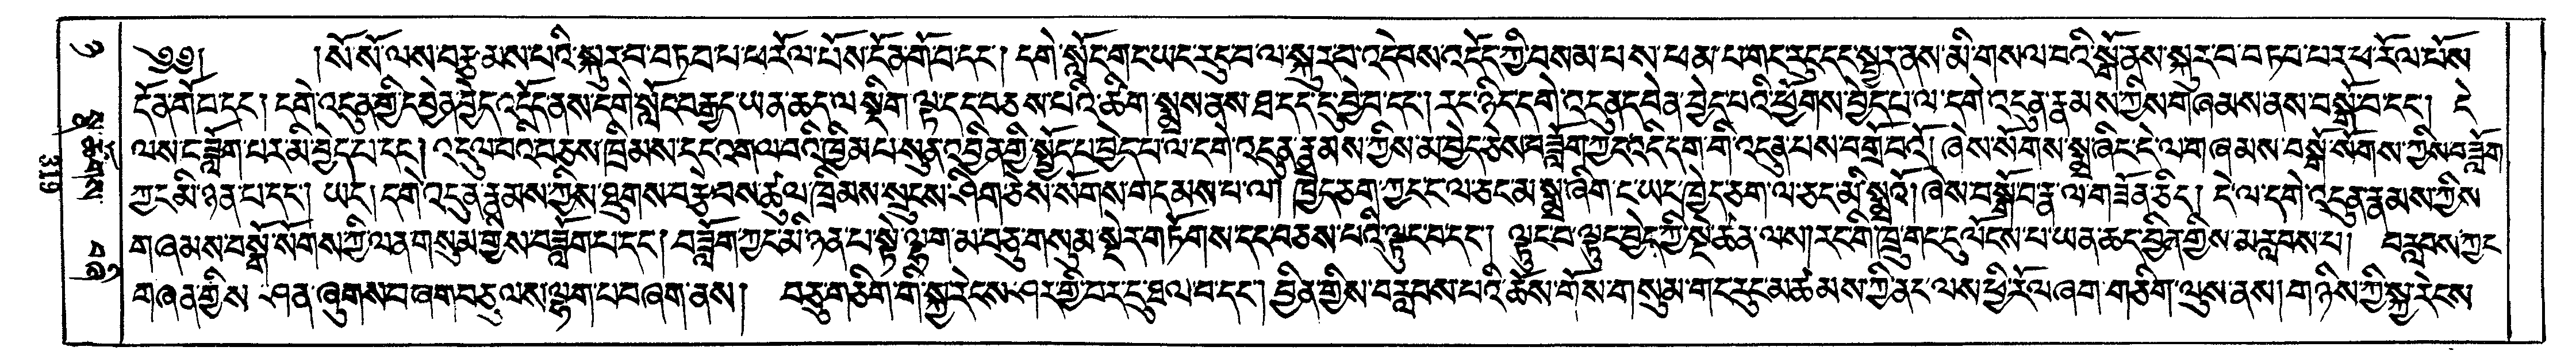༄༅། །སོ་སོ་ལས་བརྩམས་པའི་སྐུར་བ་བཏབ་པ་ཕ་རོལ་པོས་དོན་གོ་བ་དང་། དགེ་སློང་གང་ཡང་རུང་བ་ལ་སྐུར་པ་འདེབས་འདོད་ཀྱི་བསམ་བས་ཕམ་པ་གང་རུང་དང་སྦྱར་ནས་མི་གསལ་བའི་སྒོ་ནས་སྐུར་བ་བཏབ་པར་ཕ་རོལ་པོས་
དོན་གོ་བ་དང་། དགེ་འདུན་གྱི་དབྱེན་བྱེད་འདོད་ནས་དགེ་སློང་བརྒྱད་ཡན་ཆད་ལ་སྡིག་ལྟ་དང་བཅས་པའི་ཚིག་སྨྲས་ནས་ཐ་དད་དུ་བྱེ་བ་དང་། རང་ཉིད་དགེ་འདུན་དབེན་བྱེད་པའི་ཕྱོགས་བྱེད་པ་ལ་དགེ་འདུན་རྣམས་ཀྱིས་གཞམས་ནས་བསྒོ་བ་དང་། དེ་
ལས་བཟློག་པར་མི་བྱེད་པ་དང་། འདུལ་བའི་བཅས་ཁྲིམས་དང་འགལ་བའི་ཁྱིམ་པ་སུན་འབྱིན་གྱི་སྤྱོད་པ་ལ་དགེ་འདུན་རྣམས་ཀྱིས་མ་བྱེད་ཅེས་བཟློག་ཀྱང་འདི་དག་གི་འདུན་པས་བགྲོ་བའོ། ཞེས་སོགས་སྨྲ་ཞིང་དེ་ལ་གཞམས་བསྒོ་སོགས་ཀྱིས་བཟློག་
ཀྱང་མི་ཉན་པ་དང་། ཡང༑ དགེ་འདུན་རྣམས་ཀྱིས་ཐུགས་བརྩེ་བས་ཚུལ་ཁྲིམས་སྲུངས་ཤིག་ཅེས་སོགས་གདམས་པ་ལ། ཁྱེད་ཅག་ཀྱང་ངལ་ཅང་མ་སྨྲ་ཞིག་ང་ཡང་ཁྱེད་ཅག་ལ་ཅང་མི་སྨྲའོ། ཞེས་བསྒོ་བ་རྣ་ལ་གཟོན་ཅིང་། དེ་ལ་དགེ་འདུན་རྣམས་ཀྱིས་
གཞམས་བསྒོ་སོགས་ཀྱི་ལན་གསུམ་གྱིས་བཟློག་པ་དང་། བཟློག་ཀྱང་མི་ཉན་པ་སྟེ་ལྷག་མ་བཅུ་གསུམ་སྡེར་གཏོགས་དང་བཅས་པའི་ལྟུང་བ་དང་། ལྟུང་བ་ལྟུང་བྱེད་ཀྱི་སྡེ་ཚན་ལས། རང་གི་ཁྲུ་གང་དུ་ལོངས་པ་ཡན་ཆད་བྱིན་གྱིས་མ་རླབས་པ། བརླབས་ཀྱང་
གཞན་གྱིས་ཤན་ཞུགས་བཞགས་བཅུ་ལས་ལྷག་པ་བཞག་ནས། བཅུ་གཅིག་གི་སྐྱ་རེངས་ཤར་གྱི་བར་དུ་ཐལ་བ་དང་། བྱིན་གྱིས་བརླབས་པའི་ཆོས་གོས་གསུམ་གང་རུང་མཚམས་ཀྱི་ནང་ལས་ཕྱི་རོལ་ཞག་གཅིག་ལུས་ནས། གཉིས་ཀྱི་སྐྱ་རེངས་